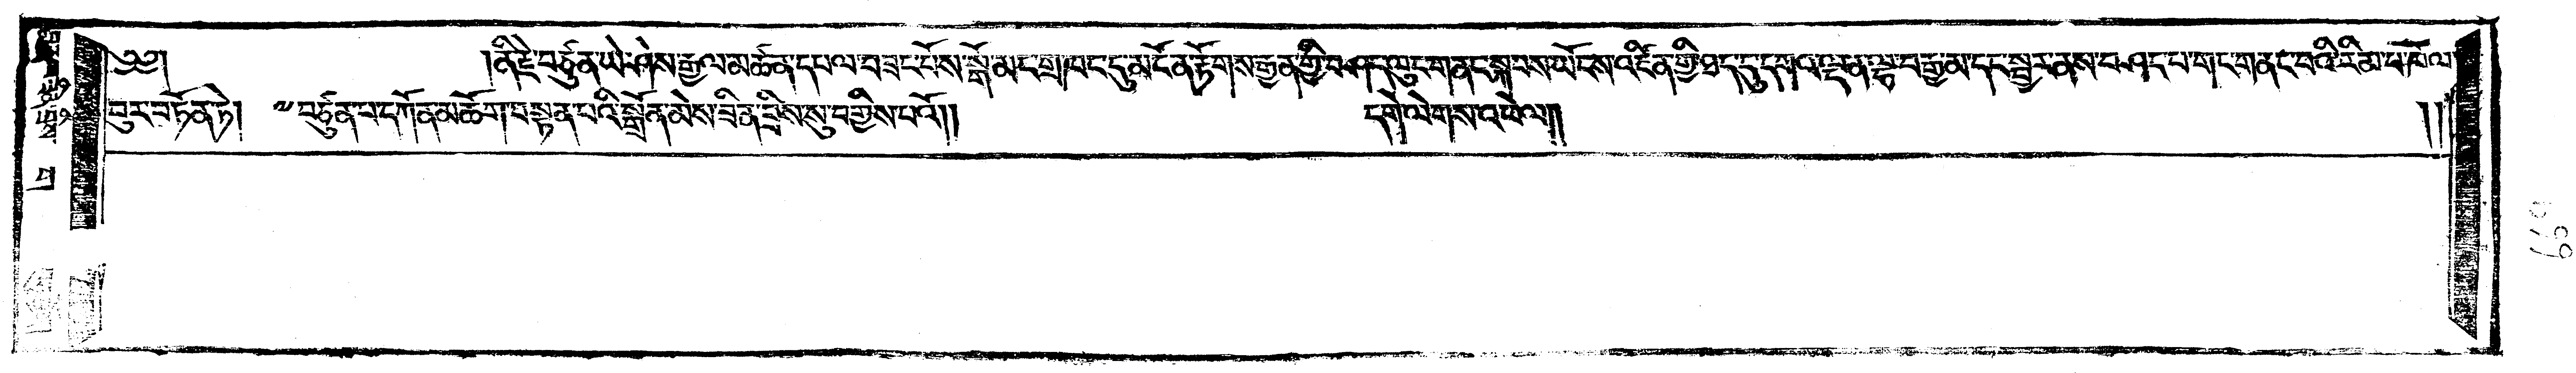༄༅། །ནི་རྗེ་བཙུན་ཡེ་ཤེས་རྒྱལ་མཚན་དབལ་བཟང་པོས་སྒོ་མང་གྲ་ཁང་དུ་མངོན་རྟོགས་རྒྱན་གྱི་བཤད་ལུང་གནང་སྐབས་ཡོངས་འཛིན་གྱི་ཐད་དུ་དགའ་ལྡན་ལྷ་བརྒྱ་མ་དང་སྤྱར་ནས་བཤད་པ་གང་གནང་བའི་རིམ་པ་ཁོལ་
བུར་བཏོན་ཏེ། བཙུན་པ་དཀོན་མཆོག་བསྟན་པའི་སྒྲོན་མེས་ཟིན་བྲིས་སུ་བགྱིས་པའོ།། དགེ་ལེགས་འཕེལ།། །།